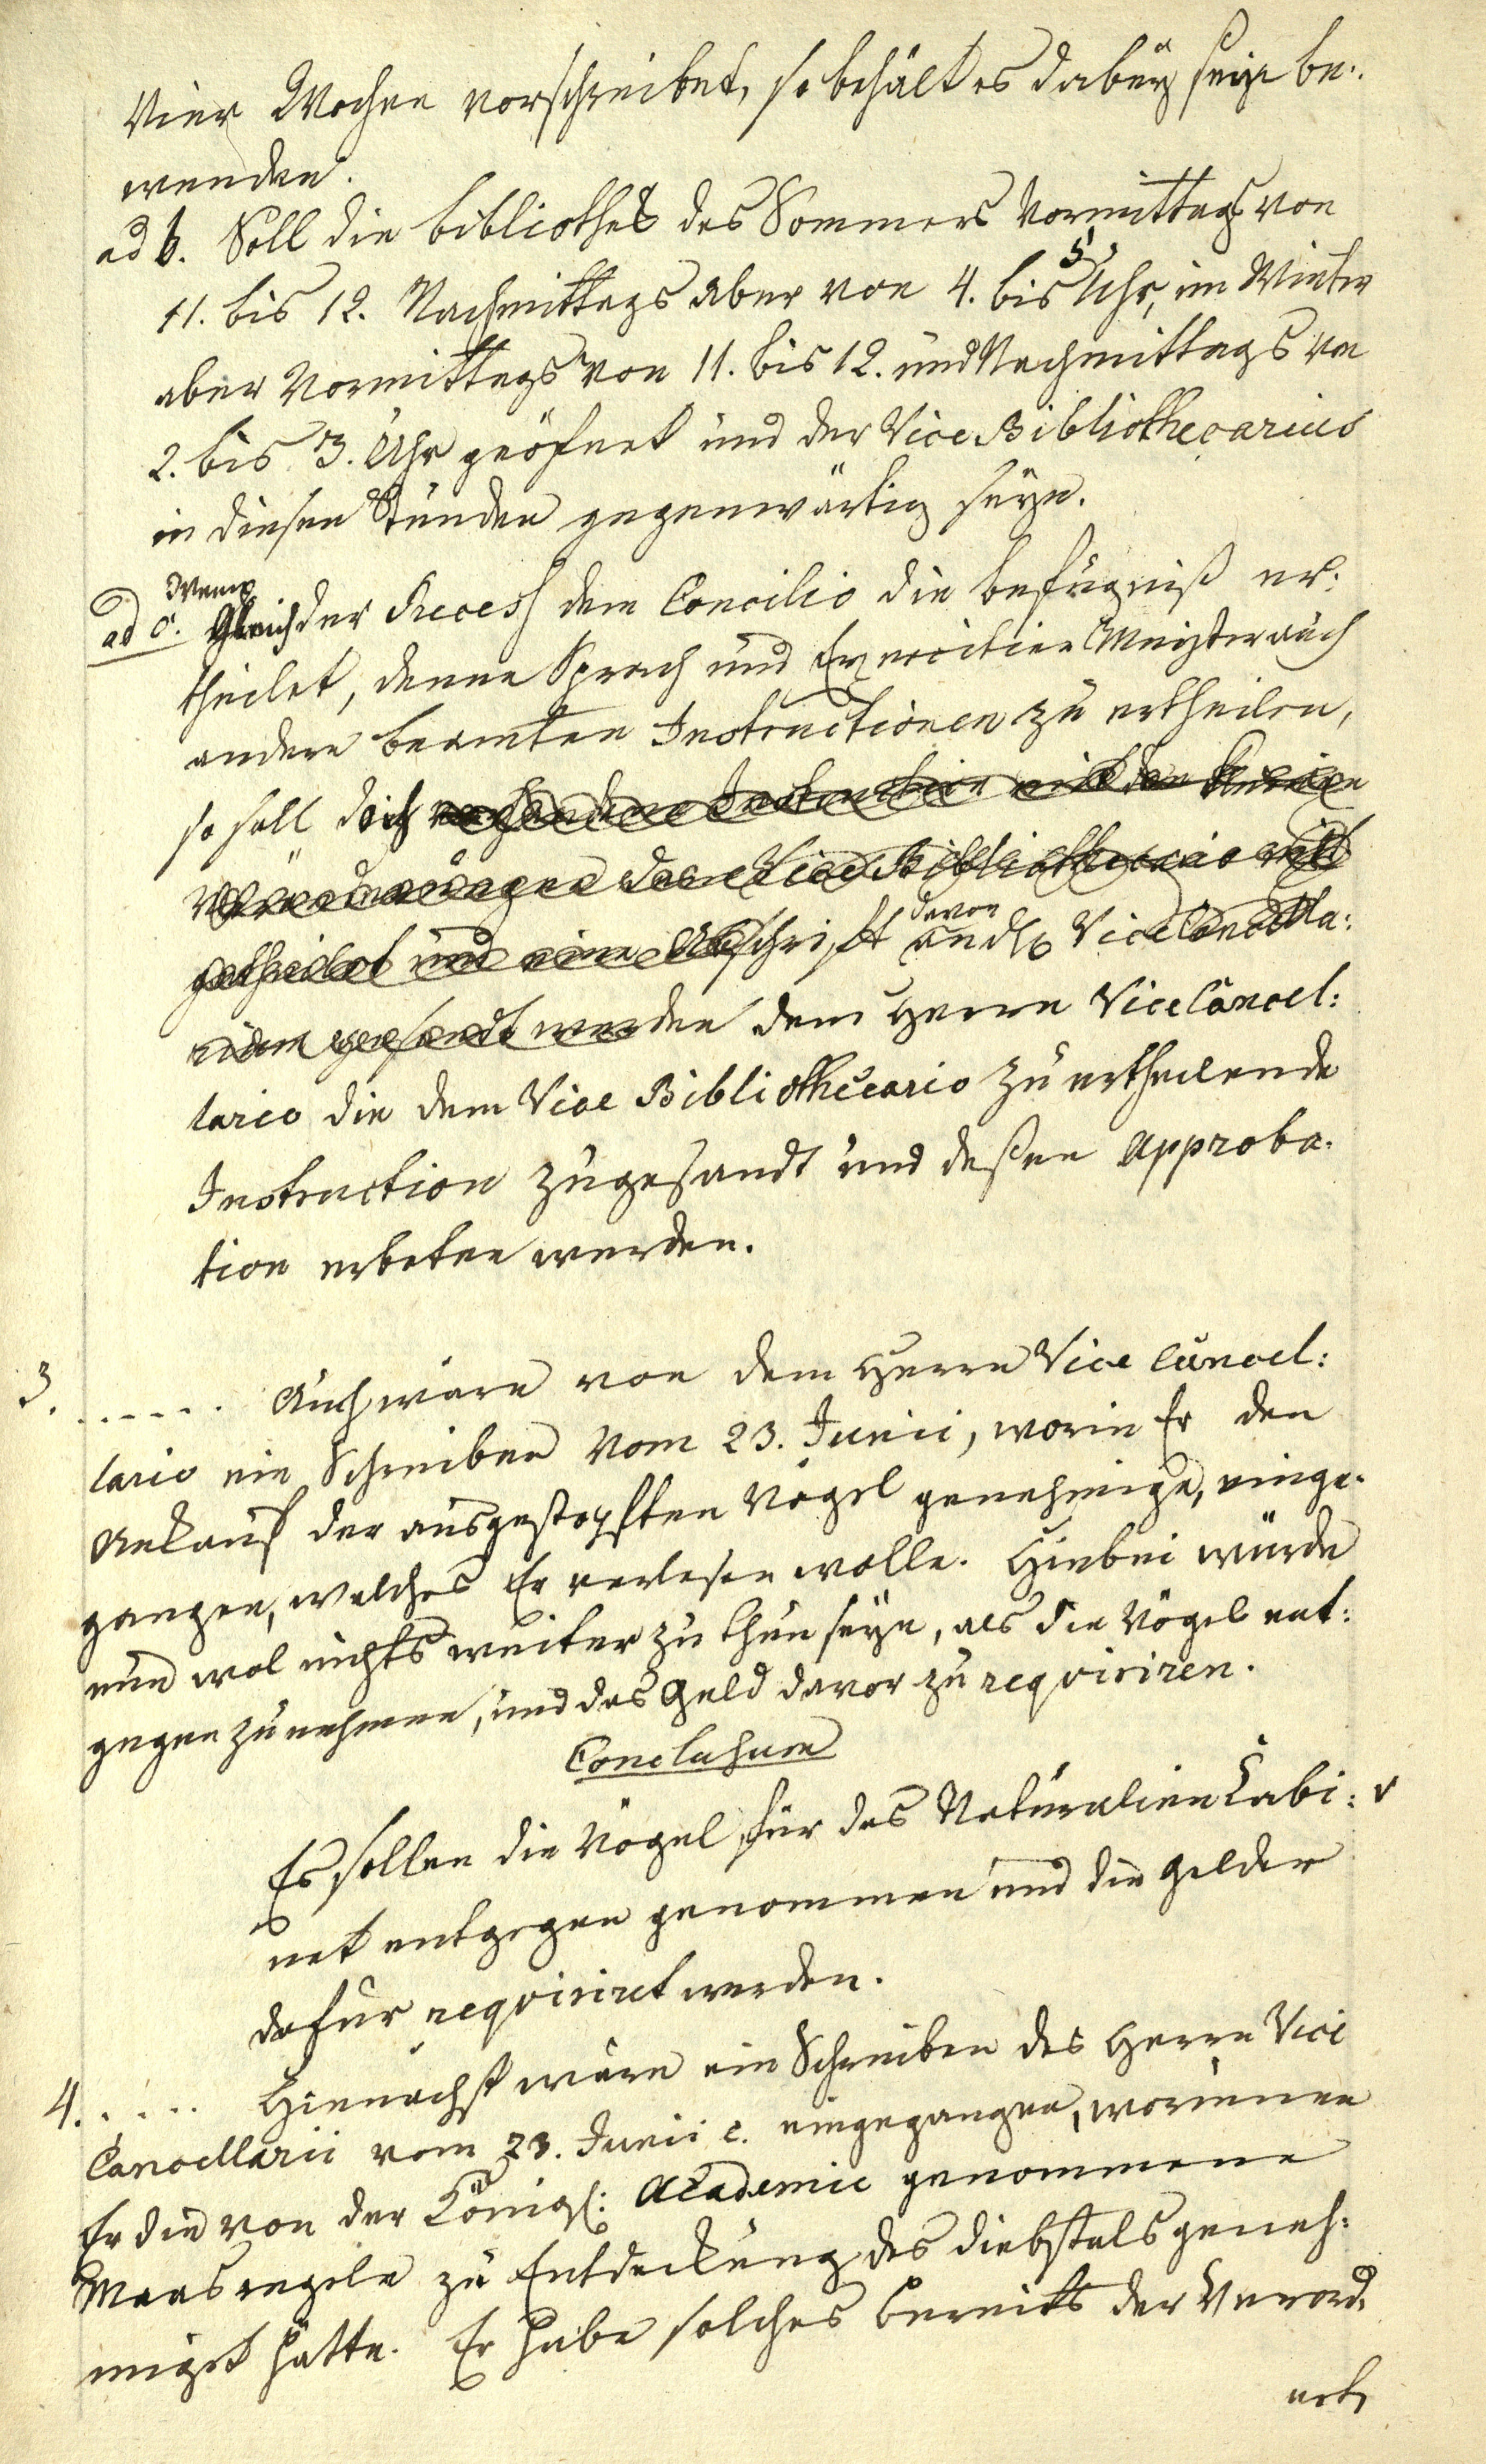vier Wochen vorschreibet, so behält es dabeÿ seÿn Be¬
wenden.
ad b. soll die Bibliothek des Sommers Vormittags von
11. bis 12. Nachmittags aber von 4. bis 5. Uhr, im Winter
aber Vormittags von 11. bis 12. und Nachmittags von
2 bis 3. Uhr geöfnet und der Vice Bibliothecarius
in diesen Stunden gegenwärtig seÿn.
ad c. Wenn gleich der Recess dem Concilio die Befugniß er¬
theilet, denen Sprach und Exercitien Meister auch
andern Beamten Instructionen zu ertheilen,
so soll doch vorhandene Instruction mit den kleinen
Veränderungen dem Vice Bibliothecario mit¬
getheilet und eine Abschrift davon an den Vice Cancella¬
rio gesendet werden dem Herrn Vice Cancel¬
lario die dem Vice Bibliothecario zu ertheilende
Instruction zugesandt und deßen Approba¬
tion erbeten werden.
3. Auch wäre von dem Herrn Vice Cancel¬
lario ein Schreiben vom 23. Junii, worin Er den
Ankauf der ausgestopften Vögel genehmige, einge¬
gangen, welches Er verlesen wolle. Hiebei würde
nun wol nichts weiter zu thun seÿn, als die Vögel ent¬
gegen zu nehmen, und das Geld davor zu requiriren.
Conclusum
Es sollen die Vögel für das Naturalien Cabi¬
net entgegen genommen und die Gelder
dafür requiriret werden.
4. Hienächst wäre ein Schreiben des Herrn Vice
Cancellarius von 23. Junii c. eingegangen, worinnen
Er die von der Königl. Academie genommene
Maasregeln zu Entdeckung des Diebstals geneh¬
miget hätte. Er habe solches bereits der Verord¬
net